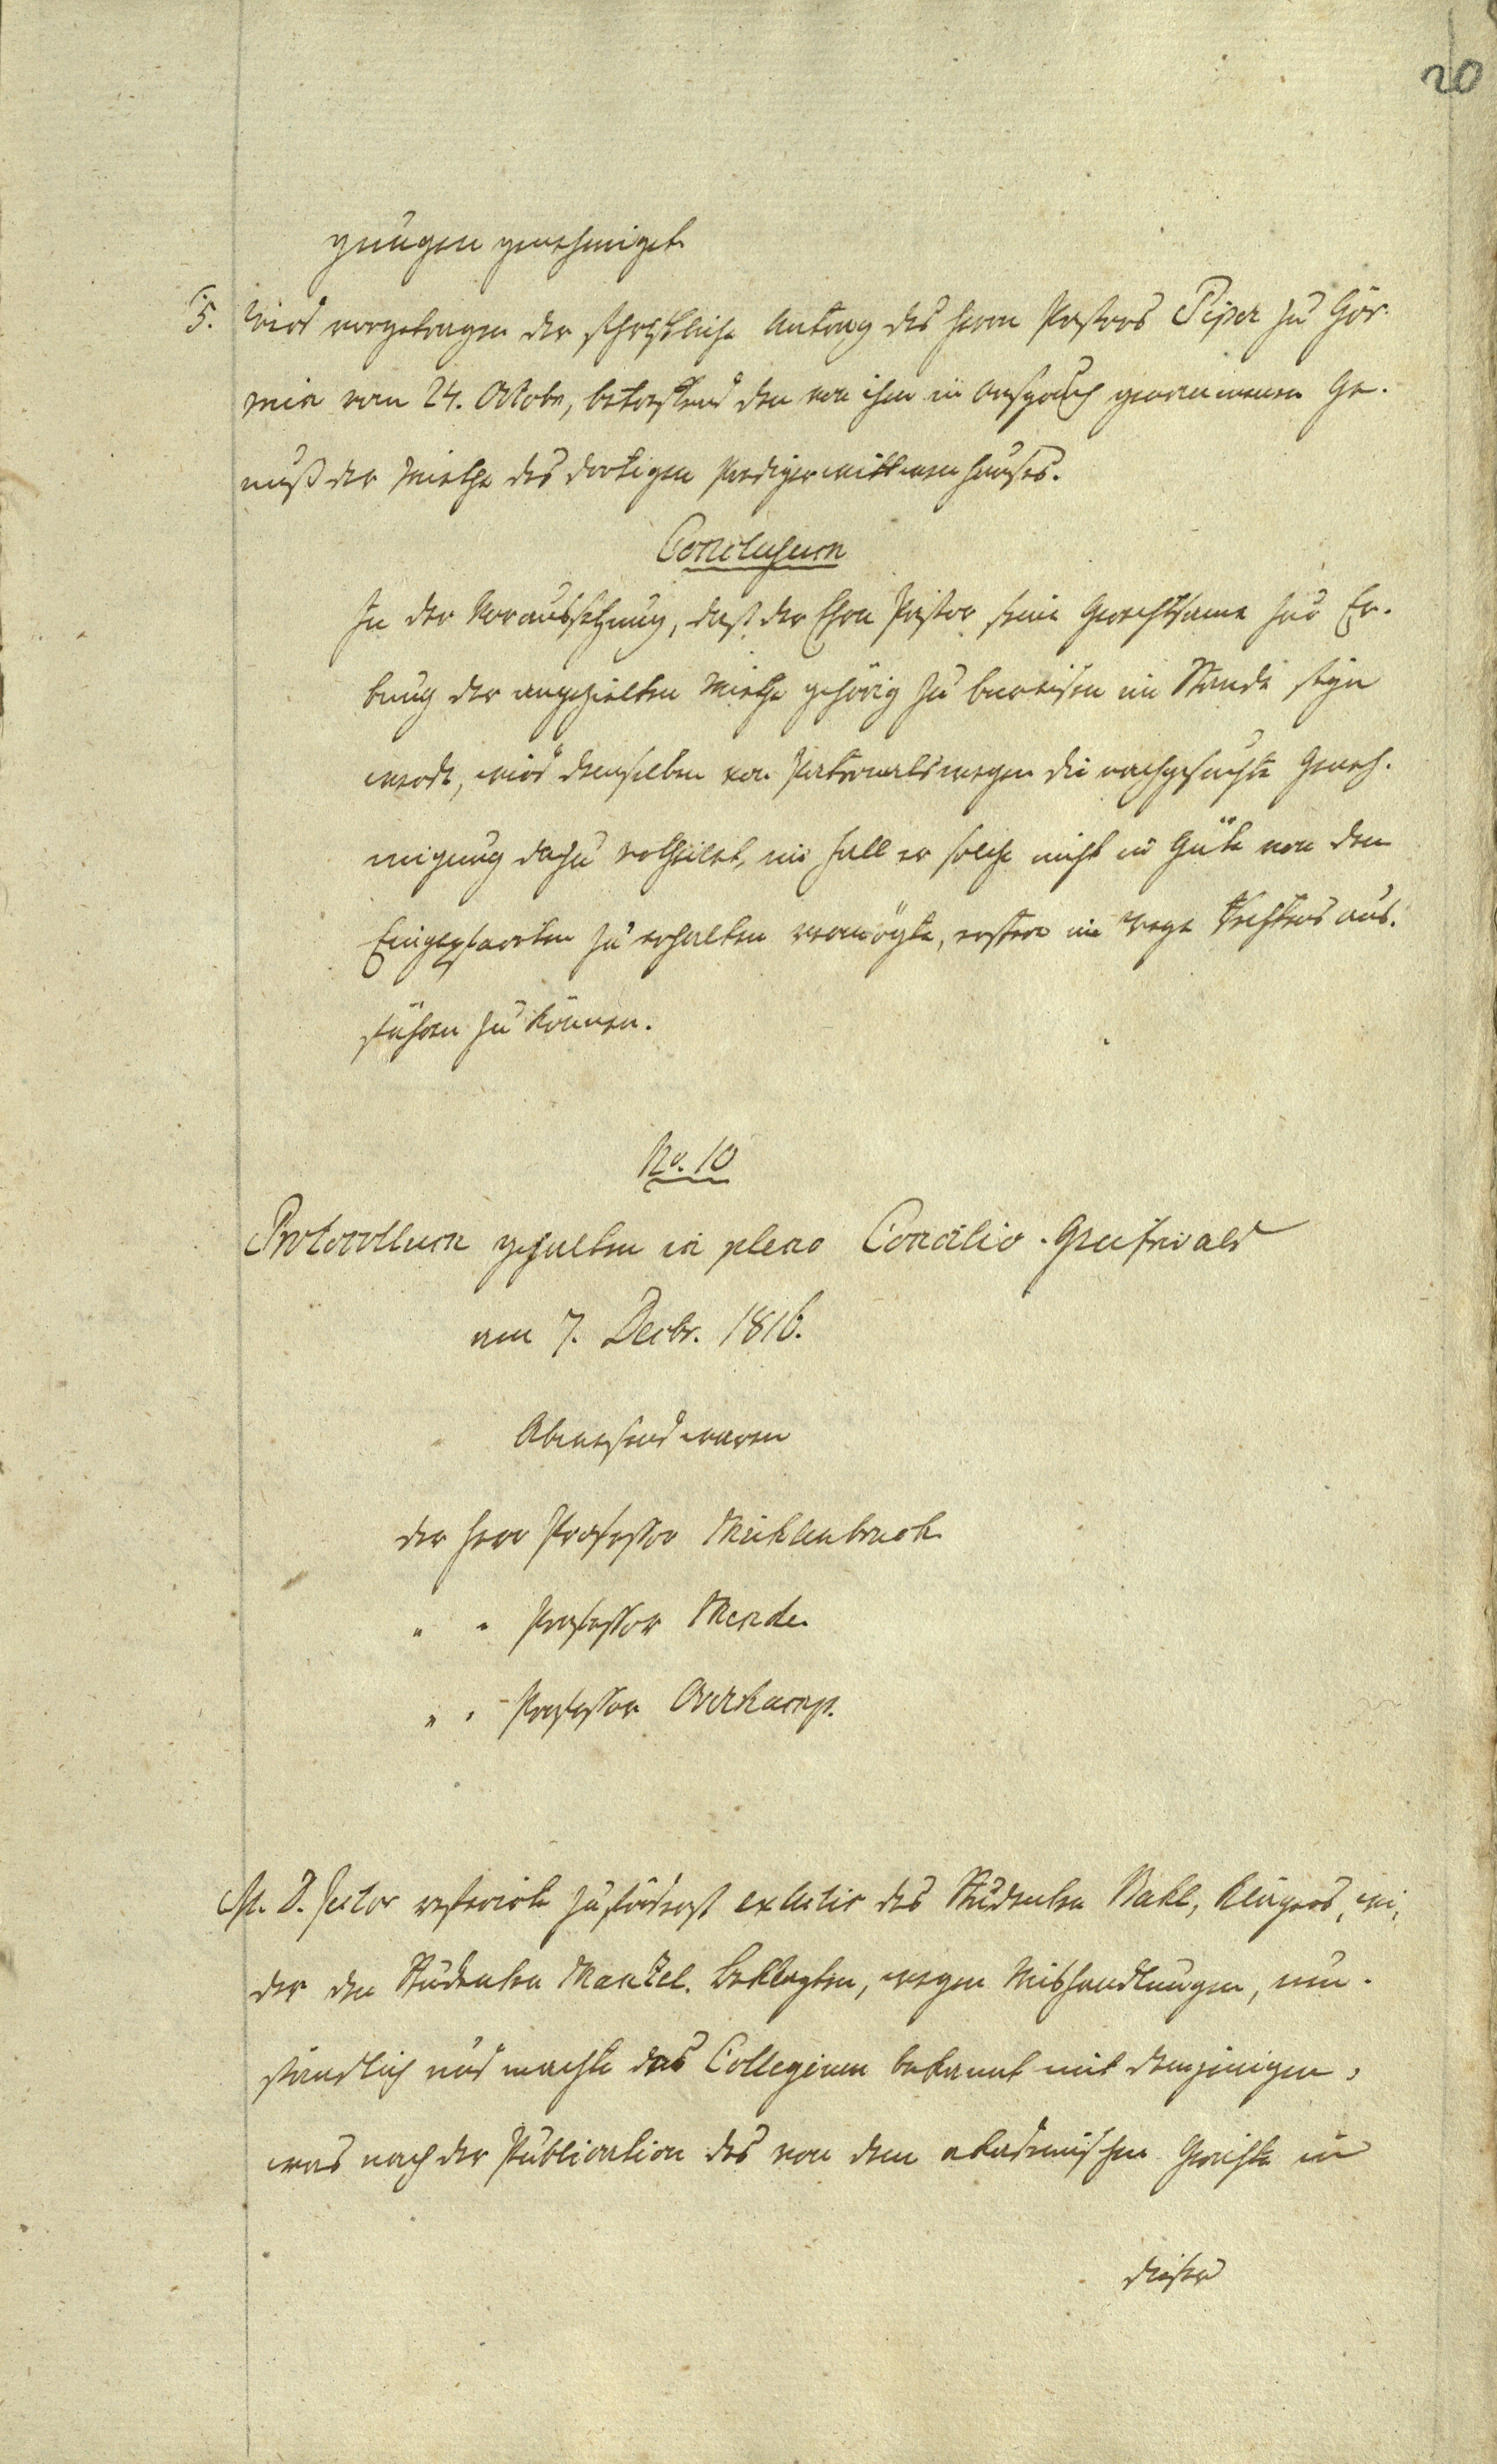gungen genehmiget.
5. Wird vorgetragen der schriftliche Antrag des Herrn Pastors Piper zu Gör¬
min vom 24. Octobr, betreffend den von ihm in Anspruch genommenen Ge¬
muß der Miethe des dortigen Predigerwittwenhauses.
Conclusum
In der Voraussetzung, daß der Ehrn Pastor seine Gerechtsame zur Er¬
bung der angezielten Miethe gehörig zu beweisen in Stande seÿn
werde, wird demselben von Patronatswegen die nachgesuchte Geneh¬
migung dazu ertheilet, im Fall er solche nicht in Güte von den
Eingepfarrten zu erhalten vermögte, erstere im Wege Rechtens aus¬
führen zu können.
Nº 10
Protocollum gehalten in pleno Concilio Greifswald
am 7. Decbr. 1816.
Abwesend waren
der Herr Professor Mühlenbruch.
Professor Mende.
Professor Overkamp.
M. D. Rector referirte zuförderst ex actis des Studenten Bahl, Klägers, wi¬
der den Studenten Manzel Beklagten, wegen Mishandlungen, um¬
ständlich und machte das Collegium bekannt mit demjenigen,
was nach der Publication des von dem akademischen Gerichte in
dieser